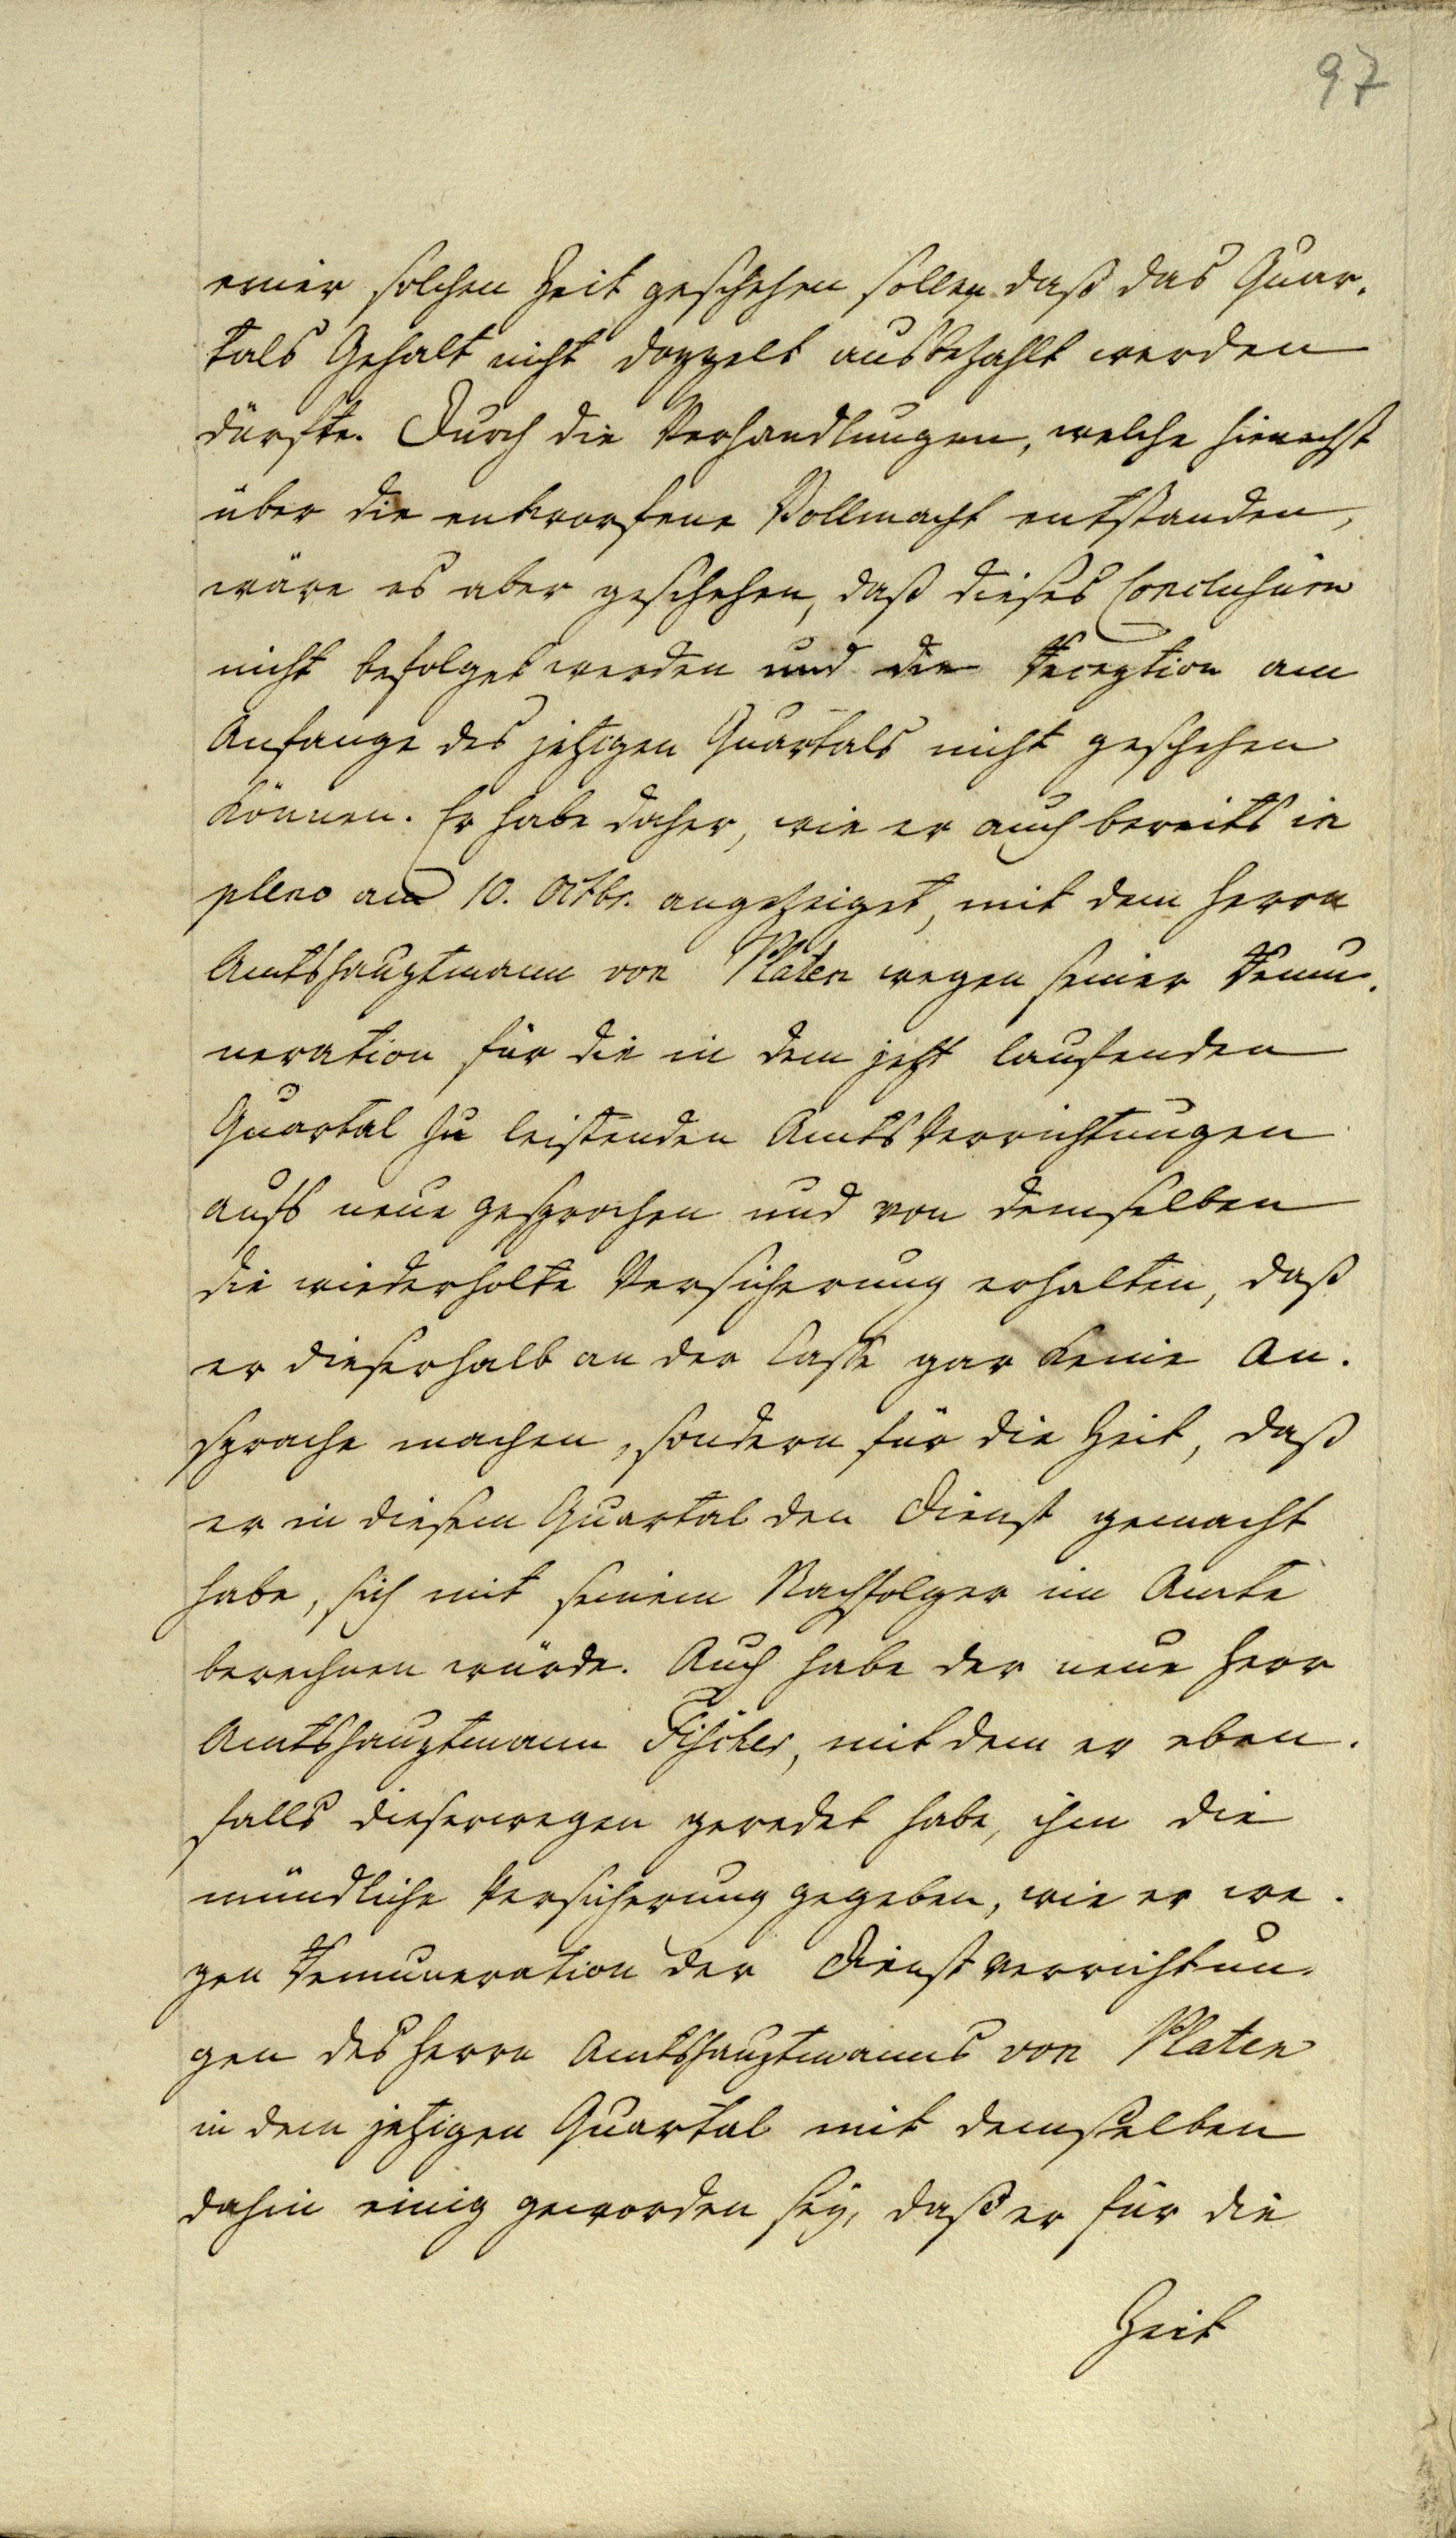einer solchen Zeit geschehen sollen, daß das Quar¬
tals Gehalt nicht doppelt ausbezahlt werden
dürfte. Durch die Verhandlungen, welche hienechst
über die entworfene Vollmacht entstanden,
wäre es aber geschehen, daß dieses Conclusum
nicht befolget werden und die Reception am
Anfange des jetzigen Quartals nicht geschehen
können. Er habe daher, wie er auch bereits in
pleno am 10. Octbr. angezeiget, mit dem Herrn
Amtshauptmann von Platen wegen seiner Remu¬
neration für die in dem jetzt laufenden
Quartal zu leistenden Amts Verrichtungen
aufs neue gesprochen und von demselben
die wiederholte Versicherung erhalten, daß
er dieserhalb an der Casse gar keine An¬
sprache machen, sondern für die Zeit, daß
er in diesem Quartal den Dienst gemacht
habe, sich mit seinem Nachfolger im Amte
berechnen würde. Auch habe der neue Herr
Amtshauptmann Fischer, mit dem er eben¬
falls dieserwegen geredet habe, ihm die
mündliche Versicherung gegeben, wie er we¬
gen Remuneration der Dienstverrichtun¬
gen des Herrn Amtshauptmanns von Platen
in dem jetzigen Quartal mit demselben
dahin einig geworden seÿ, daß er für die
Zeit